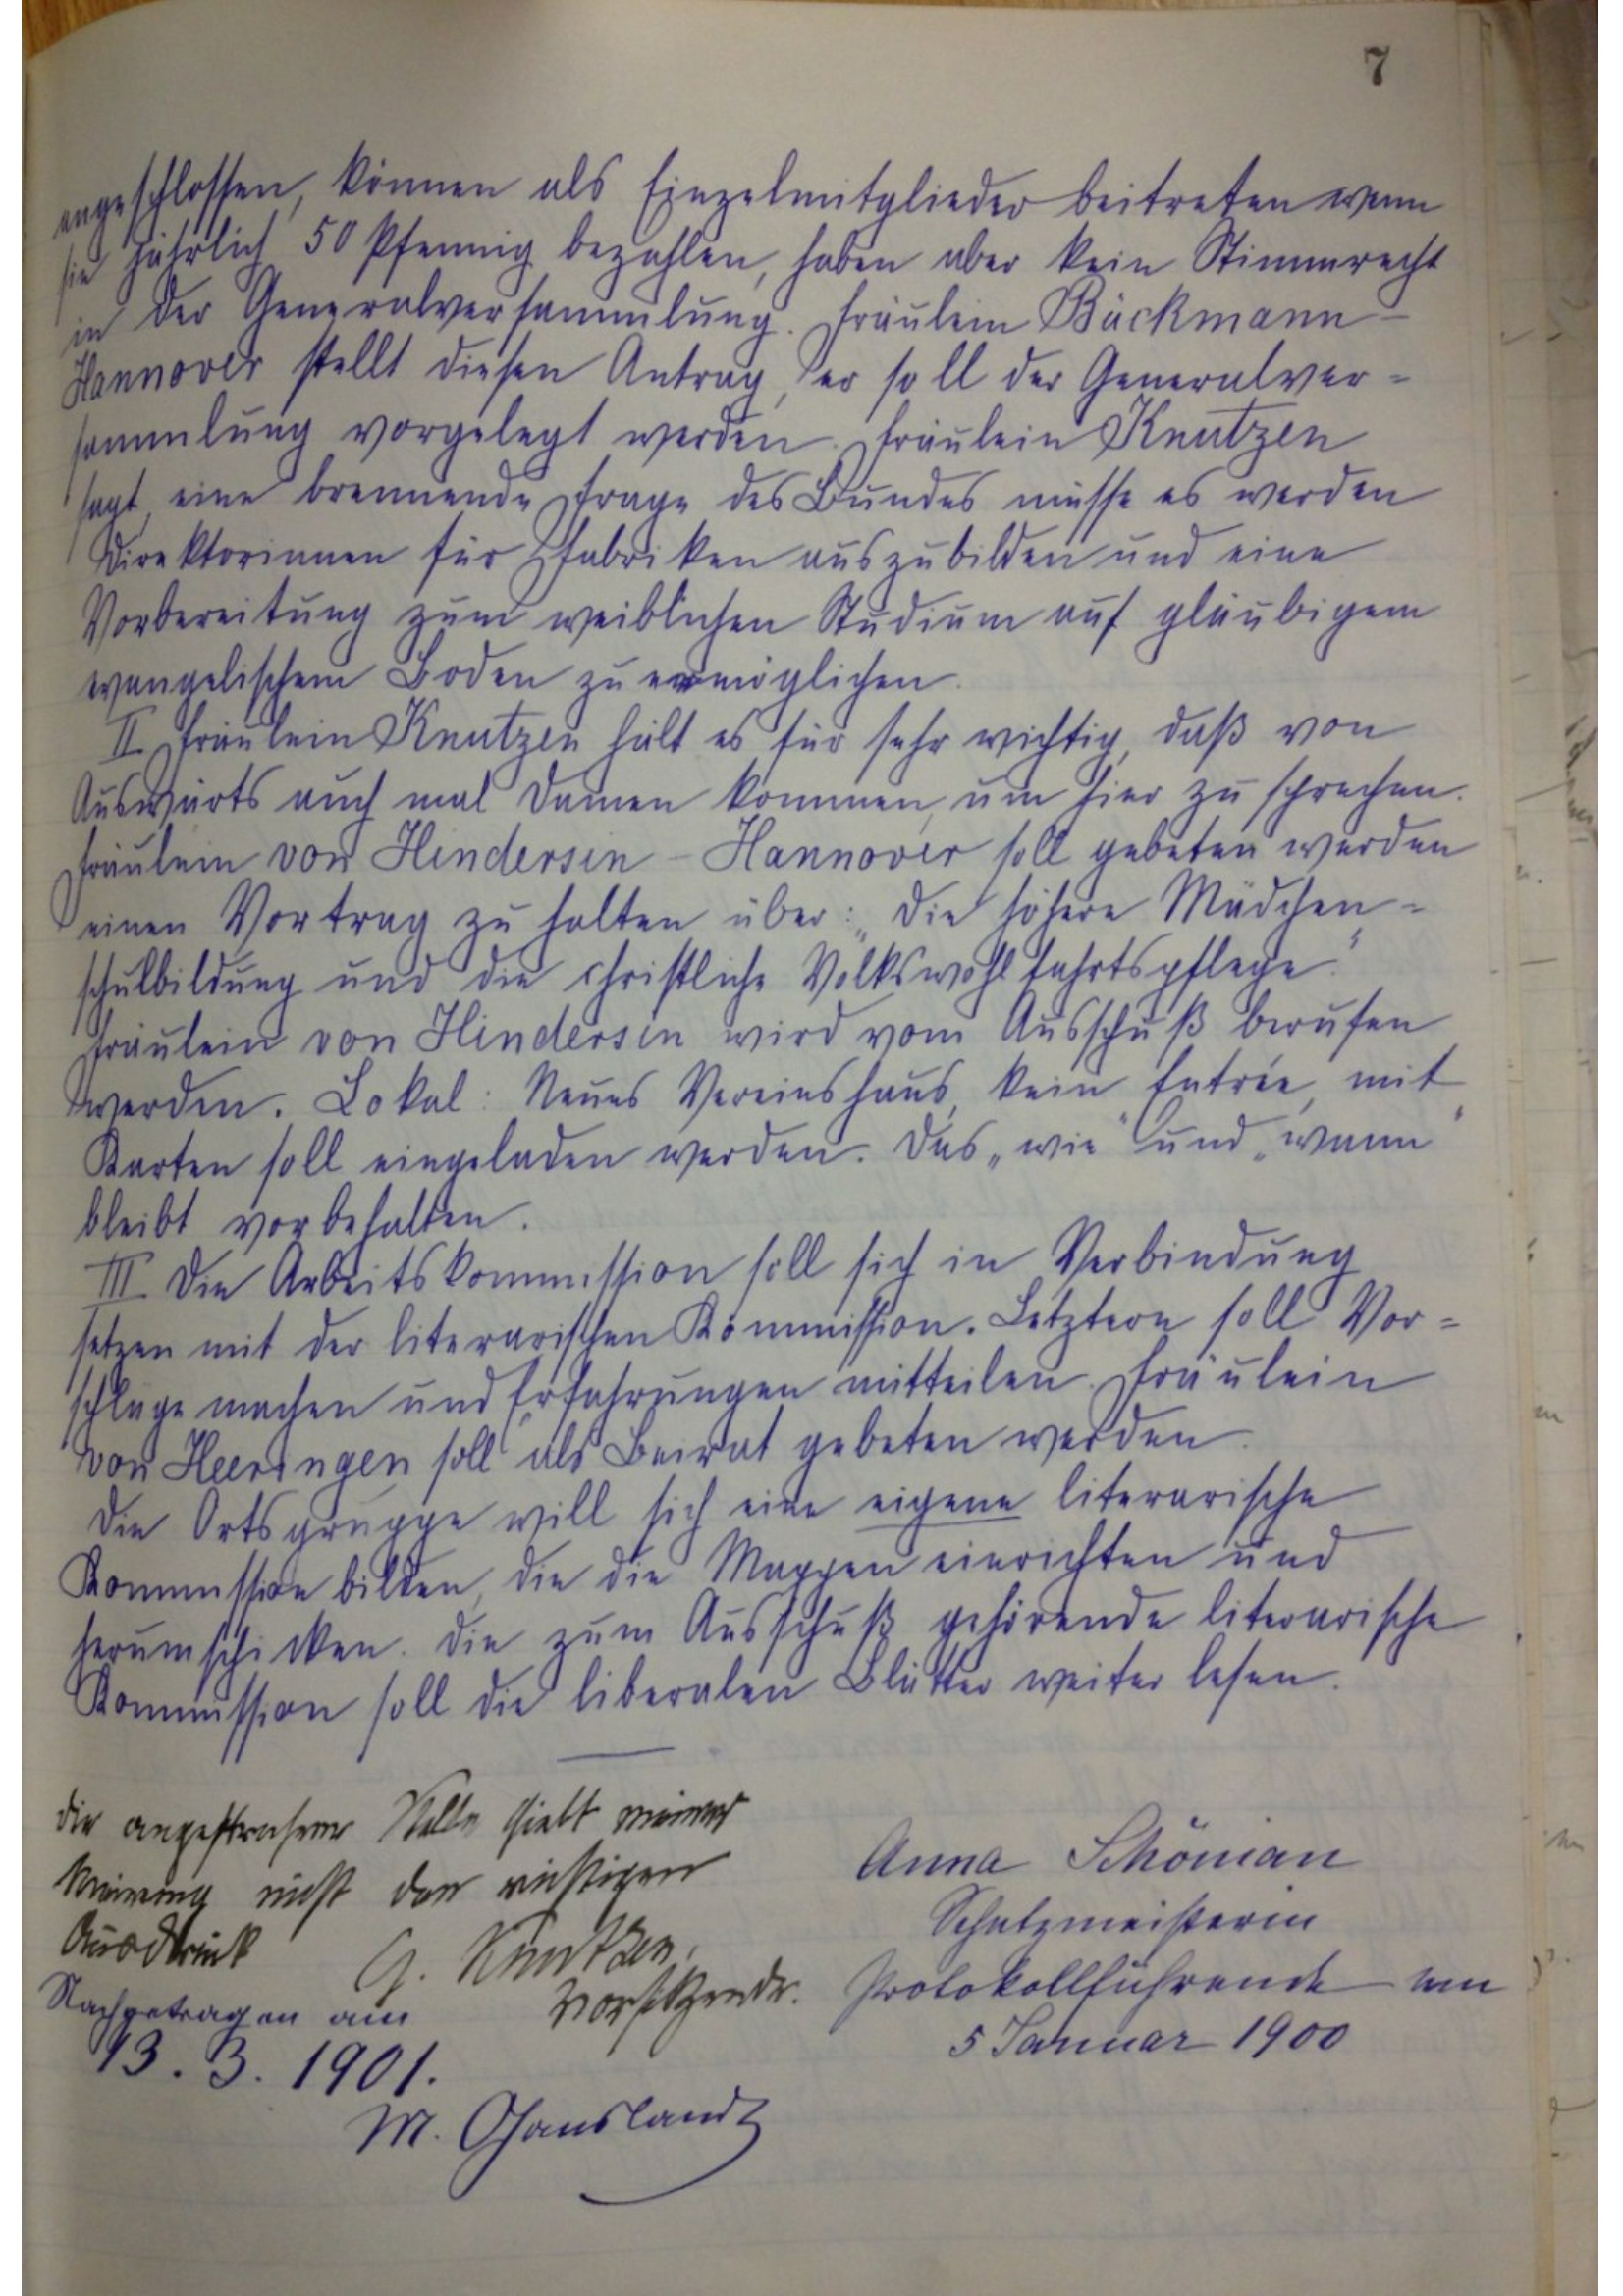angeschlossen können als Einzelmitglieder beitreten, wenn
sie jeweils 50 Pfennig bezahlen, haben aber kein Stimmrecht
in der Generalversammlung. Fräulein Buckmann
Hannover stellt diesen Antrag, er soll der Generalver
sammlung vorgelegt werden. Fräulein Knutzen
sagt eine brennende Frage des Bundes müsse es werden
Direktorinnen für Fabriken auszubilden und eine
Vorbereitung zum weiblichen Studium auf gläubigem
evangelischem Boden zu ermöglichen.
II. Fräulein Knutzen hält es für sehr wichtig, daß von
Auswärts auch mal Damen kommen um hier zu sprechen.
Fräulein von Hindersen – Hannover soll gebeten werden
einen Vortrag zu halten über „Die höhere Mädchen-
schulbildung und die christliche Volkswohlfahrtspflege".
Fräulein von Hindersen wird vom Ausschuß berufen
werden. Lokal: Neues Vereinshaus, kein Entrée, mit
Karten soll eingeladen werden. Das „wie" und „wann"
bleibt vorbehalten.
III. Die Arbeitskommission soll sich in Verbindung
setzen mit der literarischen Komission. Letztere soll Vor-
schläge machen und Erfahrungen mitteilen Fräulein
von Heeringen soll als Beirat gebeten werden.
Die Ortsgruppe will sich ein eigene literarische
Kommission bilden, die die Mappen einrichten und
herumschicken. Die zum Ausschuß gehörende literarische
Kommission soll die liberalen Blätter weiter lesen.
Die angesprochene Stelle hielt meiner
Anna Schönian
Meinung nicht der einstigen
Schatzmeisterin
Mitschrift
G. Knutzen
am
Protokollführend
Vorsitzende
Nachgetragen am
5. Januar 1900
13.3.1901
M. Ganzland